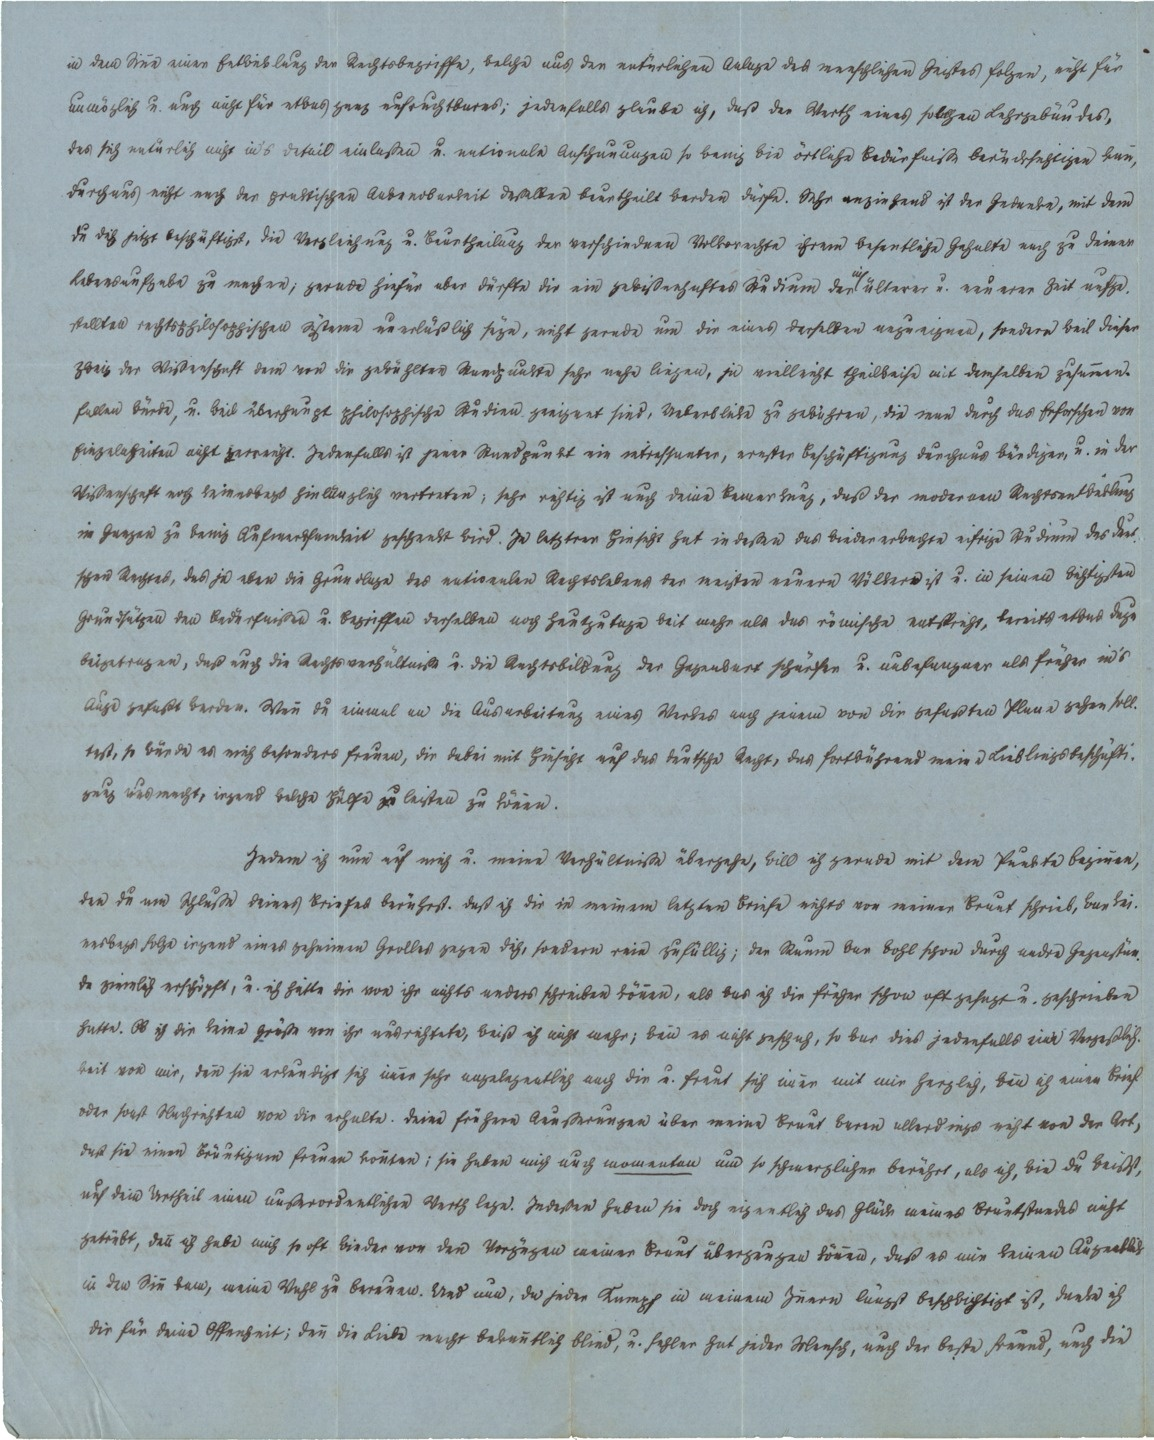in dem Sinne einer Entwicklung der Rechtsbegriffe, welche aus der natürlichen Anlage des menschlichen Geistes folgen, nicht für
unmöglich u. auch nicht für etwas ganz unfruchtbares; jedenfalls glaube ich, daß der Werth eines solchen Lehrgebäudes,
das sich natürlich nicht in's Detail einlassen u. nationale Anschauungen so wenig wie örtliche Bedürfnisse berücksichtigen kann,
durchaus nicht nach der praktischen Anwendbarkeit desselben beurtheilt werden dürfe. Sehr anziehend ist der Gedanke, mit dem
du dich jetzt beschäftigst, die Vergleichung u. Beurtheilung der verschiednen Volksrechte ihrem wesentliche Gehalte nach zu deiner
Lebensaufgabe zu machen; gerade hiefür aber dürfte dir ein gewissenhaftes Studium der in älterer u. neuerer Zeit aufge-
stellten rechtsphilosophischen Systeme unerläßlich seyn, nicht gerade um dir eines derselben anzueignen, sondern weil dieser
Zweig der Wissenschaft dem von dir gewählten Standpunkte sehr nahe liegen, ja vielleicht theilweise mit demselben zusammen-
fallen würde, u. weil überhaupt philosophische Studien geeignet sind, Ueberblicke zu gewähren, die man durch das Erforschen von
Einzelheiten nicht erreicht. Jedenfalls ist jener Standpunkt ein intressanter, ernster Beschäftigung durchaus würdiger, u. in der
Wissenschaft noch keineswegs hinlänglich vertreten; sehr richtig ist auch deine Bemerkung, daß der modernen Rechtsentwicklung
im ganzen zu wenig Aufmerksamkeit geschenkt wird. In letztrer Hinsicht hat indessen das wiedererwachte eifrige Studium des deut-
schen Rechtes, das ja eben die Grundlage des nationalen Rechtslebens der meisten neuern Völker ist u. in seinen wichtigsten
Grundsätzen den Bedürfnissen u. Begriffen derselben noch heutzutage weit mehr als das römische entspricht, bereits etwas dazu
beigetragen, daß auch die Rechtsverhältnisse u. die Rechtsbildung der Gegenwart schärfer u. unbefangner als früher in's
Auge gefaßt werden. Wenn du einmal an die Ausarbeitung eines Werkes nach jenem von dir gefaßten Plane gehen soll-
test, so würde es mich besonders freuen, dir dabei in Hinsicht auf das deutsche Recht, das fortwährend meine Lieblingsbeschäfti-
gung ausmacht, irgend welche Hülfe zu leisten zu können.
Indem ich nun auf mich u. meine Verhältnisse übergehe, will ich gerade mit dem Punkte beginnen,
den du am Schlusse deines Briefes berührst. Daß ich dir in meinem letzten Briefe nichts von meiner Braut schrieb, war kei-
neswegs Folge irgend eines geheimen Grolles gegen dich, sondern rein zufällig; der Raum war wohl schon durch andre Gegenstän-
de ziemlich erschöpft, u. ich hätte dir von ihr nichts anders schreiben können, als was ich dir früher schon oft gesagt u. geschrieben
hatte. Ob ich dir keine Grüße von ihr ausrichtete, weiß ich nicht mehr; wenn es nicht geschah, so war dies jedenfalls eine Vergeßlich-
keit von mir, denn sie erkundigt sich immer sehr angelegentlich nach dir u. freut sich immer mit mir herzlich, wenn ich einen Brief
oder sonst Nachrichten von dir erhalte. Deine frühern Aeußerungen über meine Braut waren allerdings nicht von der Art,
daß sie einen Bräutigam freuen konnten; sie haben mich auch momentan um so schmerzlicher berührt, als ich, wie du weißst,
auf dein Urtheil einen außerordentlichen Werth lege. Indessen haben sie doch eigentlich das Glück meines Brautstandes nicht
getrübt, denn ich habe mich so oft wieder von den Vorzügen meiner Braut überzeugen können, daß es mir keinen Augenblick
in den Sinn kam, meine Wahl zu bereuen. Und nun, da jeder Kampf in meinem Innern längst beschwichtigt ist, danke ich
dir für deine Offenheit; denn die Liebe macht bekanntlich blind, u. Fehler hat jeder Mensch, auch der beste Freund, auch die